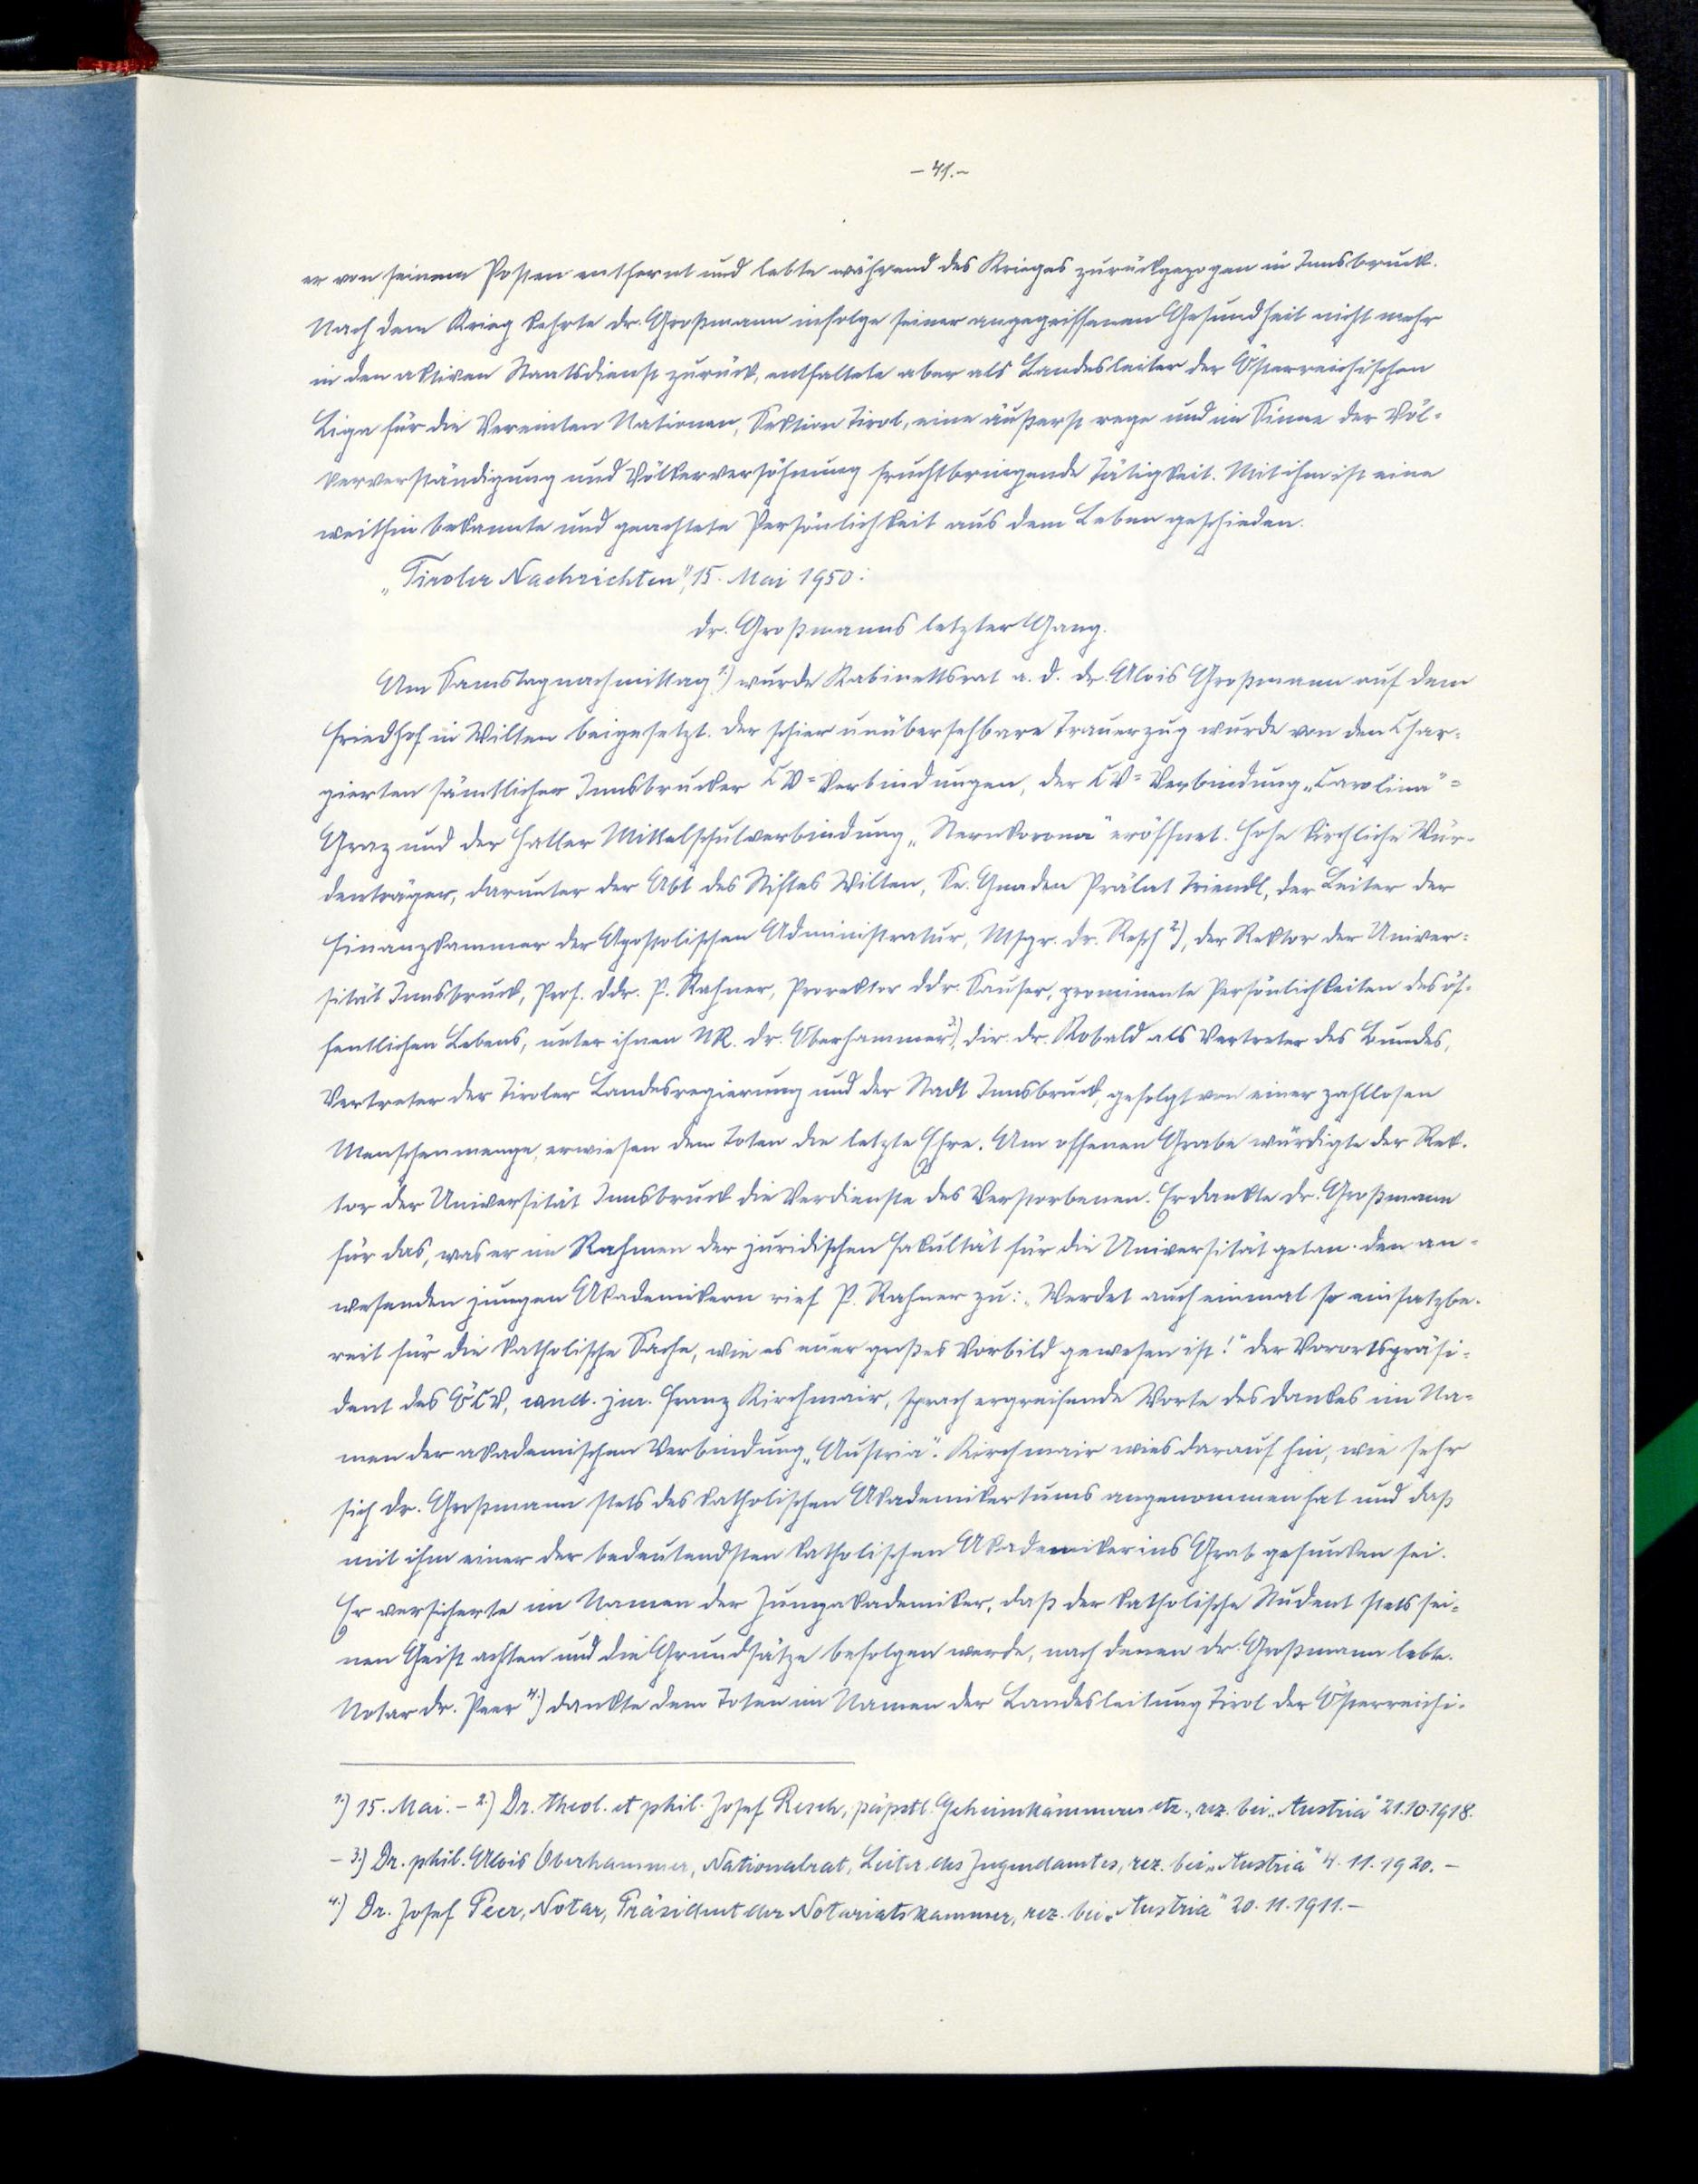41
er von seinem Posten entfernt und lebte während des Krieges zurückgezogen in Innsbruck.
Nach dem Krieg kehrte Dr. Großmann infolge seiner angegriffenen Gesundheit nicht mehr
in den aktiven Staatsdienst zurück, entfaltete aber alles Landesleiter der Österreichischen
Liga für die Vereinten Nationen, Sektion Tirol eine äußerst rege und im Sinne der Völ-
kerverständigung und Völkerversöhnung fruchtbringende Tätigkeit. Mit ihm ist eine
weithin bekannte und geachtete Persönlichkeit aus dem Leben geschieden.
„Tiroler Nachrichten“, 15. Mai 1950:
Dr. Großmanns letzter Gang
Am Samstagnachmittag 1) wurde Kabinettsrat a. D. Dr. Alois Großmann auf dem
Friedhof in Wilten beigesetzt. Der schier unübersehbare Trauerzug wurde von den Char-
gierten sämtlicher Innsbrucker CV-Verbindungen, der CV-Verbindung „Carolina“-
Graz und der Haller Mittelschulverbindung „Sternkorona“ eröffnet. Hohe kirchliche Wür-
denträger, darunter der Abt des Stiftes Wilten, Se. Gnaden Prälat Triendl, der Leiter der
Finanzkammer der apostolischen Administratur, Msgr. dr. Resch 2), der Rektor der Univer-
sität Innsbruck, Prof. DDr. P. Rahner, Prorektor DDr. Sauser, prominente Persönlichkeiten des öf-
fentlichen Lebens, unter ihnen NR Dr. Oberhammer, 3) Dir. Dr. Robeld als Vertreter des Bundes,
Vertreter der Tiroler Landesregierung und der Stadt Innsbruck, gefolgt von einer zahllosen
Menschenmenge erwiesen dem Toten die letzte Ehre. Am offenen Grabe würdigte der Rek-
tor der Universität Innsbruck die Verdienste des Verstorbenen. Er dankte Dr. Großmann
für das, was er im Rahmen der juridischen Fakultät der Universität getan. Den an-
wesenden jungen Akademikern rief Rahner zu: „Werdet auch einmal so einsatzbe-
reit für die katholische Sache, wie es euer großes Vorbild gewesen ist!“ Der Vorortspräsi-
dent des ÖCV Franz Kirchmayr, sprach ergreifende Worte des Dankes im Na-
men der akademischen Verbindung „Austria“. Kirchmair wies darauf hin, wie sehr
Dr. Großmann steht des katholischen Akademikertums angenommen hat und daß
mit ihm einer der bedeutendsten katholischen Akademiker ins Grab gesunken sei.
Er versicherte im Namen der Jungakademiker, daß der katholische Student stets sei-
nen Geist achten und die Grundsätze befolgen werde, nach denen Dr. Großmann lebte.
Notar Dr. Peer dankte dem Toten im Namen des Landesleitung Tirol der Österreichi-
1) 15. Mai. – 2) Dr. theol. et phil. Josef Resch, päpstl. Geheimkämmerer ck (?), rez. bei „Austria“ 21.10.1918.
3) Dr. phil. Alois Oberhammer Nationalrat, Leiter des Jugendamtes, rez. bei „Austria“ 4.11.1920.-
4) Dr. Josef Peer, Notar, Präsident der Notariatskammer, rez. bei „Austria“, 20.11.1911.-